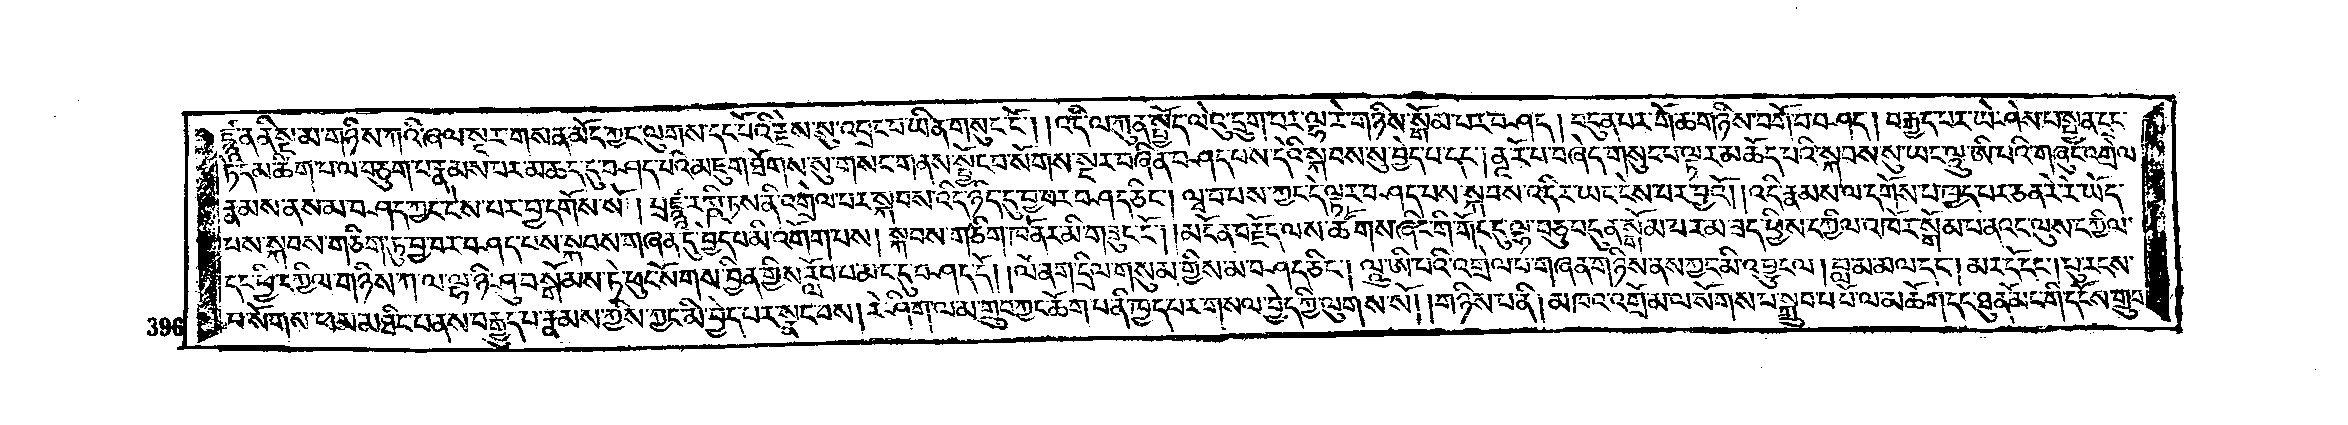ཛྙཱ་ན་ནི་སྔ་མ་གཉིས་ཀའི་ཞལ་སྔར་གསན་མོད་ཀྱང་ལུགས་དང་པོའི་རྗེས་སུ་འབྲང་བ་ཡིན་གསུང་ངོ། །འདི་ལ་ཀུན་སྤྱོད་ལེའུ་དྲུག་པར་ལྷ་རེ་གཉིས་སྒོམ་པར་བཤད། བདུན་པར་གོ་ཆ་གཉིས་བགོ་བ་བཤད། བརྒྱད་པར་ཡེ་ཤེས་པ་སྤྱན་དྲང་
ཏེ་དམ་ཚིག་པ་ལ་བཅུག་པ་རྣམས་པར་མ་ཆད་དུ་བཤད་པའི་མཇུག་ཐོགས་སུ་གསང་གནས་སྦྱོང་བ་སོགས་སྔར་བཞིན་བཤད་པས་དེའི་སྐབས་སུ་བྱེད་པ་དང་། ནཱ་རོ་པ་བཞེད་གསུང་པ་ལྟར་མཆོད་པའི་སྐབས་སུ་ཡང་ལཱུ་ཨི་པའི་གཞུང་འགྲེལ་
རྣམས་ནས་མ་བཤད་ཀྱང་ངེས་པར་བྱ་དགོས་སོ། །པྲཛྙཱ་རཀྵི་ཏས་ནི་འགྲེལ་པར་སྐབས་འདི་ཉིད་དུ་བྱ་བར་བཤད་ཅིང་། ལྭ་བ་པས་ཀྱང་དེ་ལྟར་བཤད་པས་སྐབས་འདིར་ཡང་ངེས་པར་བྱའོ། །འདི་རྣམས་ལ་དགོས་པ་ཁྱད་པར་ཅན་རེ་རེ་ཡོད་
པས་སྐབས་གཅིག་ཏུ་བྱ་བར་བཤད་པས་སྐབས་གཞན་དུ་བྱེད་པ་མི་འགོག་པས། སྐབས་གཅིག་ཁོ་ནར་མི་གཟུང་ངོ། །མངོན་བརྗོད་ལས་ཚོགས་ཞིང་གི་གོང་དུ་ལྷ་བཅུ་བདུན་སྒོམ་པར་མ་ཟད་ཕྱིས་དཀྱིལ་འཁོར་སྒོམ་པ་ནའང་ལུས་དཀྱིལ་
དང་ཕྱི་དཀྱིལ་གཉིས་ཀ་ལ་ལྷ་ཉི་ཤུ་བསྒོམས་ཏེ་ཕུང་སོགས་བྱིན་གྱིས་རློབ་པ་མང་དུ་བཤད་དོ། །ལོ་ནག་དྲིལ་གསུམ་གྱིས་མ་བཤད་ཅིང་། ལཱུ་ཨི་པའི་འགྲེལ་པ་གཞན་གཉིས་ནས་ཀྱང་མི་འབྱུང་ལ། བླ་མ་མལ་དང་། མར་དོ་དང་། པུ་རངས་
པ་སོགས་ཕམ་མཐིང་པ་ནས་བརྒྱུད་པ་རྣམས་ཀྱིས་ཀྱང་མི་བྱེད་པར་སྣང་བས། རེ་ཤིག་ལ་མ་གྲུབ་ཀྱང་ཆོག་པ་ནི་ཁྱད་པར་གསལ་བྱེད་ཀྱི་ལུགས་སོ། །གཉིས་པ་ནི། མཁའ་འགྲོ་མ་ལ་སོགས་པ་སྒྲུབ་པ་པོ་ལ་མཆོག་དང་ཐུན་མོང་གི་དངོས་གྲུབ་